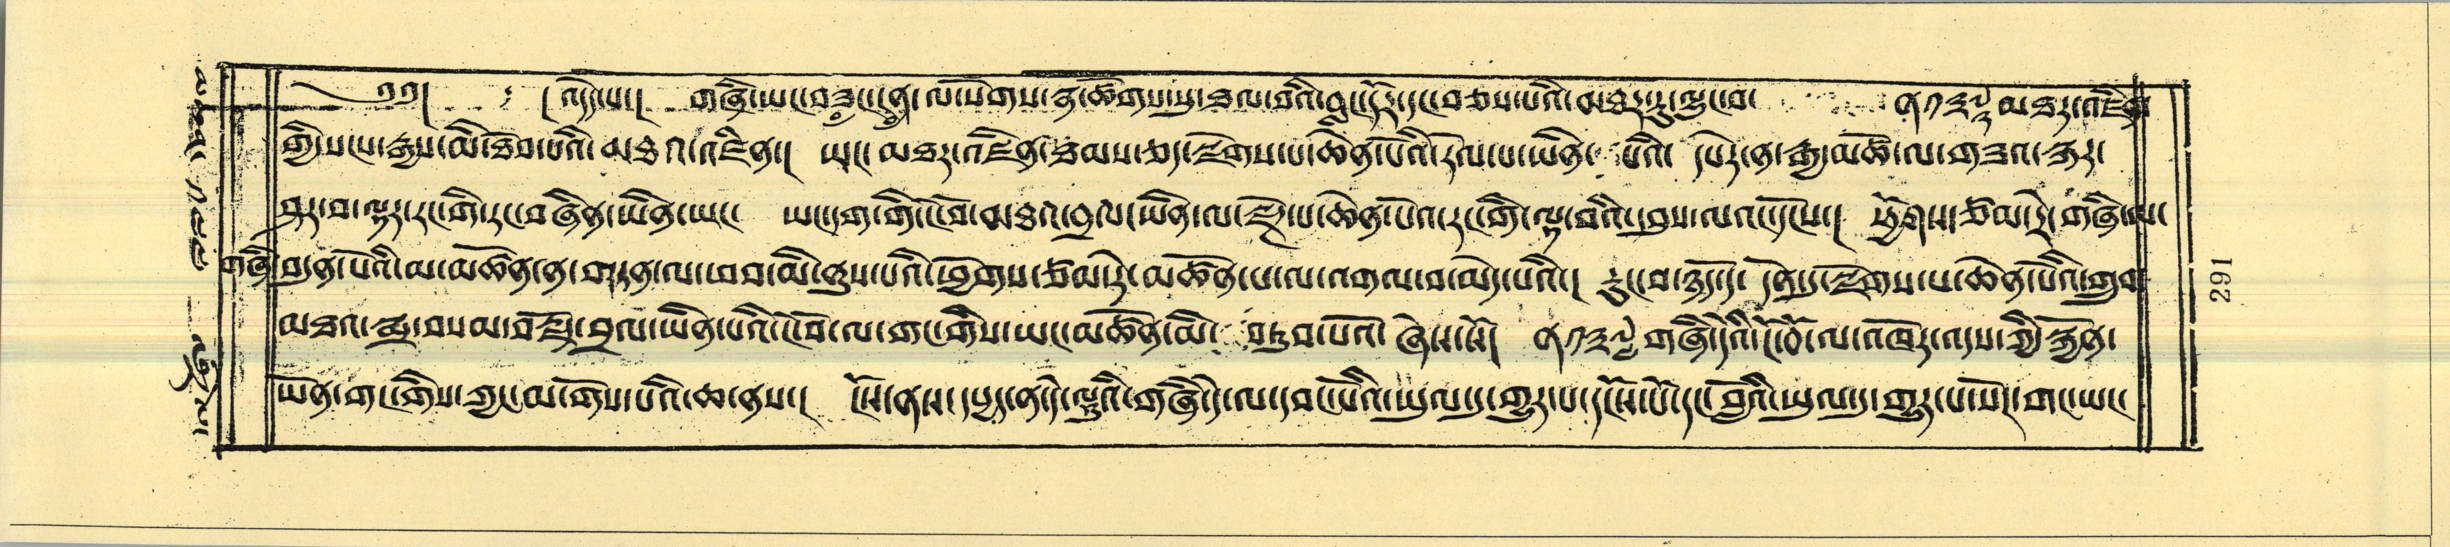འདོད་པ། གཞི་ཡང་བཟང་ངན་ལ་སོགས་སྣ་ཚོགས་སུ་ཐལ་བའི་ ༼བླང་དོར་༽དང་བཅས་པའི་ ༼མཐར་རུ་༽ལྷུང་བ་ན༡༣༧།༢ མཐར་འཛིན་
གྱི་སངས་རྒྱས་མི་ཐོབ་པའི་ ༼མཐའ་༽འཛིན། ༼ཡང་༽མཐར་འཛིན་ཐམས་ཅད་སྫོགས་པ་ཆེན་པོའི་རོལ་པ་ཡིན་པའི། དཔེར་ན་རྒྱ་མཚོ་ལ་གཟའ་སྐར་
ཤར་བ་ལྟར་རང་གི་རང་བཞིན་ཡིན་ཡང། ཡང་དག་གི་ངོ་བོ་ ༼མཐའ་བྲལ་༽ཡིན་ལ་སྫོགས་པ་ཆེན་པོ་རང་གི་ལྟ་བའི་དབུས་ལའང་དངོས། ༼ཕྱོགས་༽ཙམ་ ༼རེ་༽གཞི་ལ་
གཞི་བདུན་པོའི་མ་མཚོན་ན་གཏན་ལ་ཕབ་མི་ནུས་པའི་ཕྱོགས་ཙམ་རེ་མཚོན་པ་ལ་འགལ་བ་མེད་པའི། ༼རུང་༽བ་ཉད་དོ། དོན་དུ་སྫོགས་པ་ཆེན་པོའི་གྲུབ་
མཐའ་སྨྲ་བསམ་བརྗོད་བྲལ་ཡིན་པའི་ངོ་བོ་ལ་གང་གིས་ཡང་མཚོན་མི་བཏུབ་པའོ། ༼ཞེས་སོ།༽ ན༡༣༧།༤ གཞི་དེའི་ ༼ངོ་བོ་༽ལ་འཁོར་འདས་ཀྱི་སྐྱོན་
ཡོན་གང་གིས་ཀྱང་མ་གོས་པའི་ཆ་ནས། ༼ངོས་ནས་༽དཔྱད་ན་དེ་ལྟ་བུའི་གཞི་དེ་ལ་དབང་པོའི་ཡུལ་དུ་གྱུར་པ་ ༼དངོས་པོ་དང་༽བློའི་ཡུལ་དུ་གྱུར་པ་སོགས་གང་ཡང་